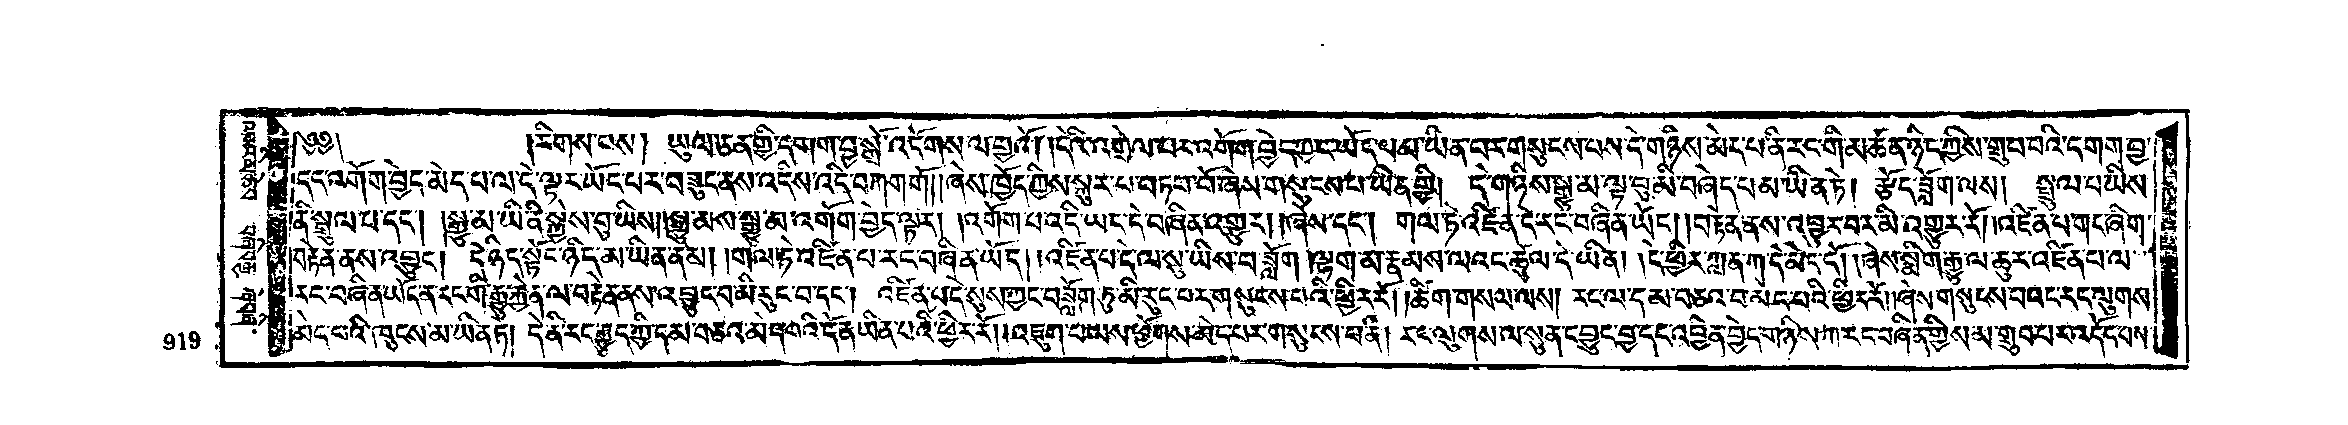༄༅། །རིགས་པས། ཡུལ་ཅན་གྱི་དགག་བྱ་སྒྲོ་འདོགས་ལ་བྱའོ། །དེའི་འགྲེལ་པར་འགོག་བྱེད་ཀྱང་ཡོད་པ་མ་ཡིན་པར་གསུངས་པས་དེ་གཉིས་མེད་པ་ནི་རང་གི་མཚན་ཉིད་ཀྱིས་གྲུབ་པའི་དགག་བྱ་
དང་འགོག་བྱེད་མེད་པ་ལ་དེ་ལྟར་ཡོད་པར་བཟུང་ནས་འདིས་འདི་བཀག་གོ། །ཞེས་ཁྱོད་ཀྱིས་སྐུར་པ་བཏབ་བོ་ཞེས་གསུངས་པ་ཡིན་གྱི། དེ་གཉིས་སྒྱུ་མ་ལྟ་བུ་མི་བཞེད་པ་མ་ཡིན་ཏེ། རྩོད་ཟློག་ལས། སྤྲུལ་པ་ཡིས་
ནི་སྤྲུལ་པ་དང་། །སྒྱུ་མ་ཡི་ནི་སྐྱེས་བུ་ཡིས། །སྒྱུ་མས་སྒྱུ་མ་འགོག་བྱེད་ལྟར། །འགོག་པ་འདི་ཡང་དེ་བཞིན་འགྱུར། །ཞེས་དང་། གལ་ཏེ་འཛིན་དེ་རང་བཞིན་ཡོད། །བརྟེན་ནས་འབྱུང་བར་མི་འགྱུར་རོ། །འཛིན་པ་གང་ཞིག་
བརྟེན་ནས་འབྱུང་། །དེ་ཉིད་སྟོང་ཉིད་མ་ཡིན་ནམ། །གལ་ཏེ་འཛིན་པ་རང་བཞིན་ཡོད། །འཛིན་པ་དེ་ལ་སུ་ཡིས་བཟློག །ལྷག་མ་རྣམས་ལའང་ཚུལ་དེ་ཡིན། །དེ་ཕྱིར་ཀླན་ཀ་དེ་མེད་དོ། །ཞེས་སྨིག་རྒྱུ་ལ་ཆུར་འཛིན་པ་ལ་
རང་བཞིན་ཡོད་ན་རང་གི་རྒྱུ་རྐྱེན་ལ་བརྟེན་ནས་འབྱུང་བ་མི་རུང་བ་དང་། འཛིན་པ་དེ་སུས་ཀྱང་བཟློག་ཏུ་མི་རུང་བར་གསུངས་པའི་ཕྱིར་རོ། །ཚིག་གསལ་ལས། རང་ལ་དམ་བཅའ་བ་མེད་པའི་ཕྱིར་རོ། །ཞེས་གསུངས་པའང་རང་ལུགས་
མེད་པའི་ཁུངས་མ་ཡིན་ཏེ། དེ་ནི་རང་རྒྱུད་ཀྱི་དམ་བཅའ་མེད་པའི་དོན་ཡིན་པའི་ཕྱིར་རོ། །འཇུག་པ་ལས་ཕྱོགས་མེད་པར་གསུངས་པ་ནི། རང་ལུགས་ལ་སུན་དབྱུང་བྱ་དང་འབྱིན་བྱེད་གཉིས་ཀ་རང་བཞིན་གྱིས་མ་གྲུབ་པར་འདོད་པས་